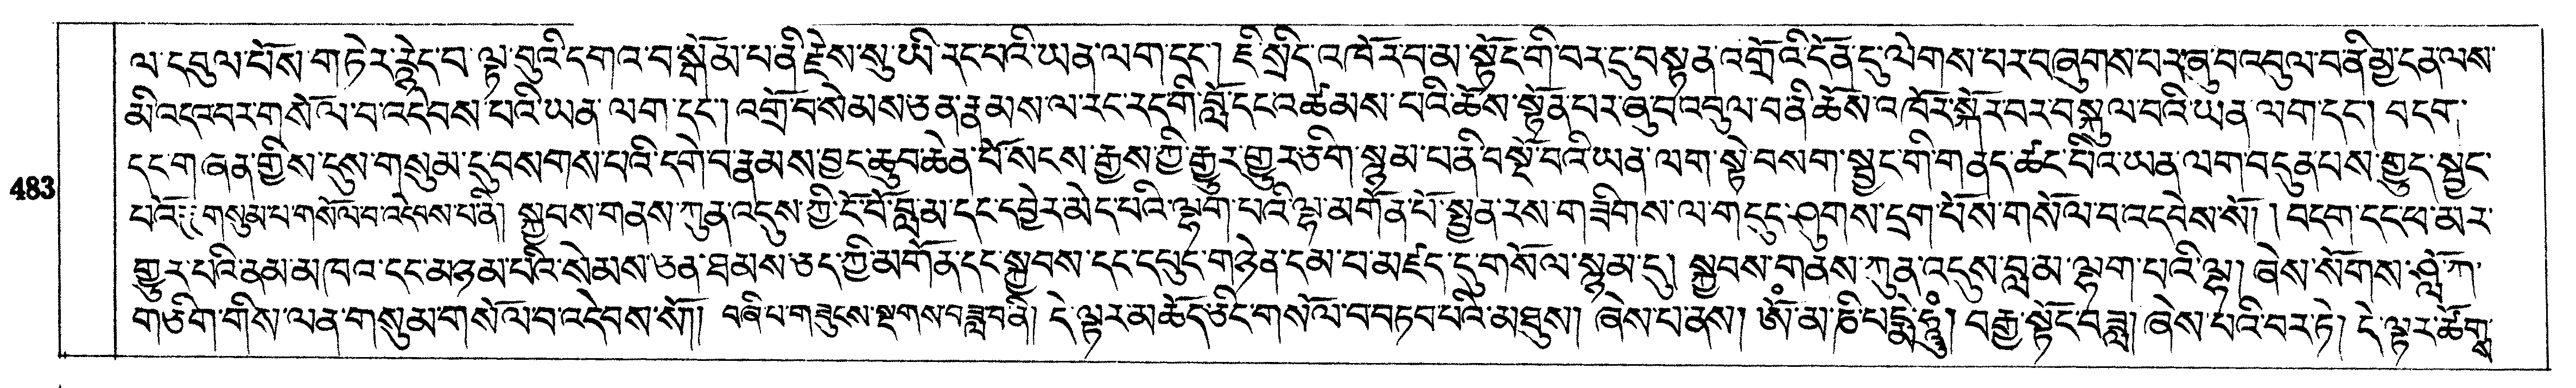ལ་དབུལ་པོས་གཏེར་རྙེད་བ་ལྟ་བུའི་དགའ་བ་སྒོམ་པ་ནི་རྗེས་སུ་ཡི་རང་པའི་ཡན་ལག་དང་། ཇི་སྲིད་འཁོར་བ་མ་སྟོང་གི་བར་དུ་བསྟན་འགྲོའི་དོན་དུ་ལེགས་པར་བཞུགས་པར་ཞུ་བ་འབུལ་བ་ནི་མྱ་ངན་ལས་
མི་འདའ་བར་གསོལ་བ་འདེབས་པའི་ཡན་ལག་དང་། འགྲོ་བ་སེམས་ཅན་རྣམས་ལ་རང་རང་གི་བློ་དང་འཚམས་པའི་ཆོས་སྟོན་པར་ཞུ་བ་འབུལ་བ་ནི་ཆོས་འཁོར་སྐོར་བར་བསྐུལ་བའི་ཡན་ལག་དང་། བདག་
དང་གཞན་གྱིས་དུས་གསུམ་དུ་བསགས་པའི་དགེ་བ་རྣམས་བྱང་ཆུབ་ཆེན་པོ་སངས་རྒྱས་ཀྱི་རྒྱུར་གྱུར་ཅིག་སྙམ་པ་ནི་བསྔོ་བའི་ཡན་ལག་སྟེ་བསག་སྦྱང་གི་གནད་ཚང་པའི་ཡན་ལག་བདུན་པས་གྱུད་སྦྱང་
པའོ༑ ༑གསུམ་པ་གསོལ་བ་འདེབས་པ་ནི། སྐྱབས་གནས་ཀུན་འདུས་ཀྱི་ངོ་བོ་བླ་མ་དང་དབྱེར་མེད་པའི་ལྷག་པའི་ལྷ་མགོན་པོ་སྤྱན་རས་གཟིགས་ལ་གདུང་ཤུགས་དྲག་པོས་གསོལ་བ་འདེབས་སོ། །བདག་དང་ཕ་མར་
གྱུར་པའི་ནམ་མཁའ་དང་མཉམ་པའི་སེམས་ཅན་ཐམས་ཅད་ཀྱི་མགོན་དང་སྐྱབས་དང་དཔུང་གཉེན་དམ་པ་མཛད་དུ་གསོལ་སྙམ་དུ། སྐྱབས་གནས་ཀུན་འདུས་བླ་མ་ལྷག་པའི་ལྷ། ཞེས་སོགས་ཤློ་ཀ་
གཅིག་གིས་ལན་གསུམ་གསོལ་བ་འདེབས་སོ།། བཞི་པ་གཟུངས་སྔགས་བཟླ་བ་ནི།  དེ་ལྟར་མཆོད་ཅིང་གསོལ་བ་བཏབ་པའི་མཐུས། ཞེས་པ་ནས། ཨོཾ་མ་ཎི་པདམེ་ཧཱུཾ། བརྒྱ་སྟོང་བཟླ། ཞེས་པའི་བར་ཏེ། དེ་ལྟར་ཚོགས་